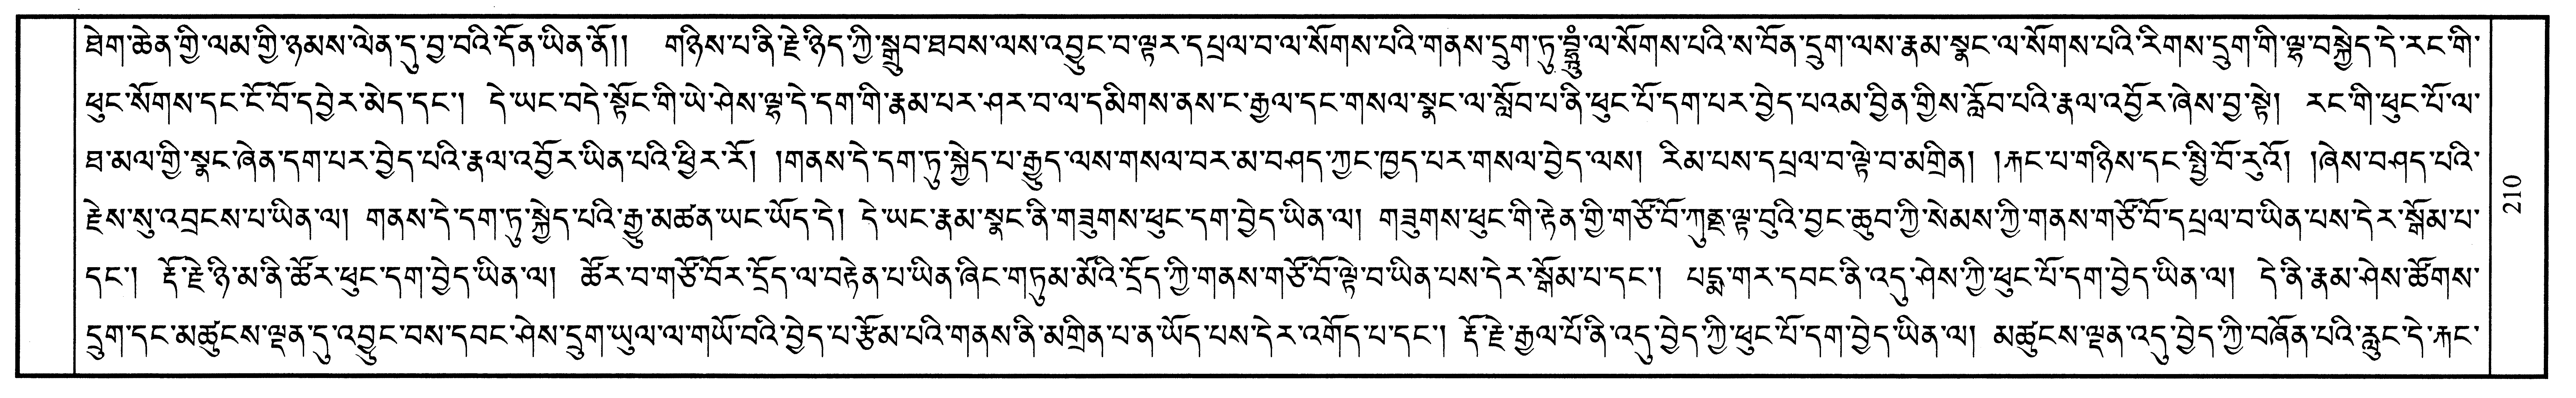ཐེག་ཆེན་གྱི་ལམ་གྱི་ཉམས་ལེན་དུ་བྱ་བའི་དོན་ཡིན་ནོ། །གཉིས་པ་ནི་རྗེ་ཉིད་ཀྱི་སྒྲུབ་ཐབས་ལས་འབྱུང་བ་ལྟར་དཔྲལ་བ་ལ་སོགས་པའི་གནས་དྲུག་ཏུ་བྷྲཱུཾ་ལ་སོགས་པའི་ས་བོན་དྲུག་ལས་རྣམ་སྣང་ལ་སོགས་པའི་རིགས་དྲུག་གི་ལྷ་བསྐྱེད་དེ་རང་གི་
ཕུང་སོགས་དང་ངོ་བོ་དབྱེར་མེད་དང་། དེ་ཡང་བདེ་སྟོང་གི་ཡེ་ཤེས་ལྷ་དེ་དག་གི་རྣམ་པར་ཤར་བ་ལ་དམིགས་ནས་ང་རྒྱལ་དང་གསལ་སྣང་ལ་སློབ་པ་ནི་ཕུང་པོ་དག་པར་བྱེད་པའམ་བྱིན་གྱིས་རློབ་པའི་རྣལ་འབྱོར་ཞེས་བྱ་སྟེ། རང་གི་ཕུང་པོ་ལ་
ཐ་མལ་གྱི་སྣང་ཞེན་དག་པར་བྱེད་པའི་རྣལ་འབྱོར་ཡིན་པའི་ཕྱིར་རོ། །གནས་དེ་དག་ཏུ་སྐྱེད་པ་རྒྱུད་ལས་གསལ་བར་མ་བཤད་ཀྱང་ཁྱད་པར་གསལ་བྱེད་ལས། རིམ་པས་དཔྲལ་བ་ལྟེ་བ་མགྲིན། །རྐང་པ་གཉིས་དང་སྤྱི་བོ་རུའོ། །ཞེས་བཤད་པའི་
རྗེས་སུ་འབྲངས་པ་ཡིན་ལ། གནས་དེ་དག་ཏུ་སྐྱེད་པའི་རྒྱུ་མཚན་ཡང་ཡོད་དེ། དེ་ཡང་རྣམ་སྣང་ནི་གཟུགས་ཕུང་དག་བྱེད་ཡིན་ལ། གཟུགས་ཕུང་གི་རྟེན་གྱི་གཙོ་བོ་ཀུནྡ་ལྟ་བུའི་བྱང་ཆུབ་ཀྱི་སེམས་ཀྱི་གནས་གཙོ་བོ་དཔྲལ་བ་ཡིན་པས་དེར་སྒོམ་པ་
དང་། རྡོ་རྗེ་ཉི་མ་ནི་ཚོར་ཕུང་དག་བྱེད་ཡིན་ལ། ཚོར་བ་གཙོ་བོར་དྲོད་ལ་བརྟེན་པ་ཡིན་ཞིང་གཏུམ་མོའི་དྲོད་ཀྱི་གནས་གཙོ་བོ་ལྟེ་བ་ཡིན་པས་དེར་སྒོམ་པ་དང་། པདམ་གར་དབང་ནི་འདུ་ཤེས་ཀྱི་ཕུང་པོ་དག་བྱེད་ཡིན་ལ། དེ་ནི་རྣམ་ཤེས་ཚོགས་
དྲུག་དང་མཚུངས་ལྡན་དུ་འབྱུང་བས་དབང་ཤེས་དྲུག་ཡུལ་ལ་གཡོ་བའི་བྱེད་པ་རྩོམ་པའི་གནས་ནི་མགྲིན་པ་ན་ཡོད་པས་དེར་འགོད་པ་དང་། རྡོ་རྗེ་རྒྱལ་པོ་ནི་འདུ་བྱེད་ཀྱི་ཕུང་པོ་དག་བྱེད་ཡིན་ལ། མཚུངས་ལྡན་འདུ་བྱེད་ཀྱི་བཞོན་པའི་རླུང་དེ་རྐང་